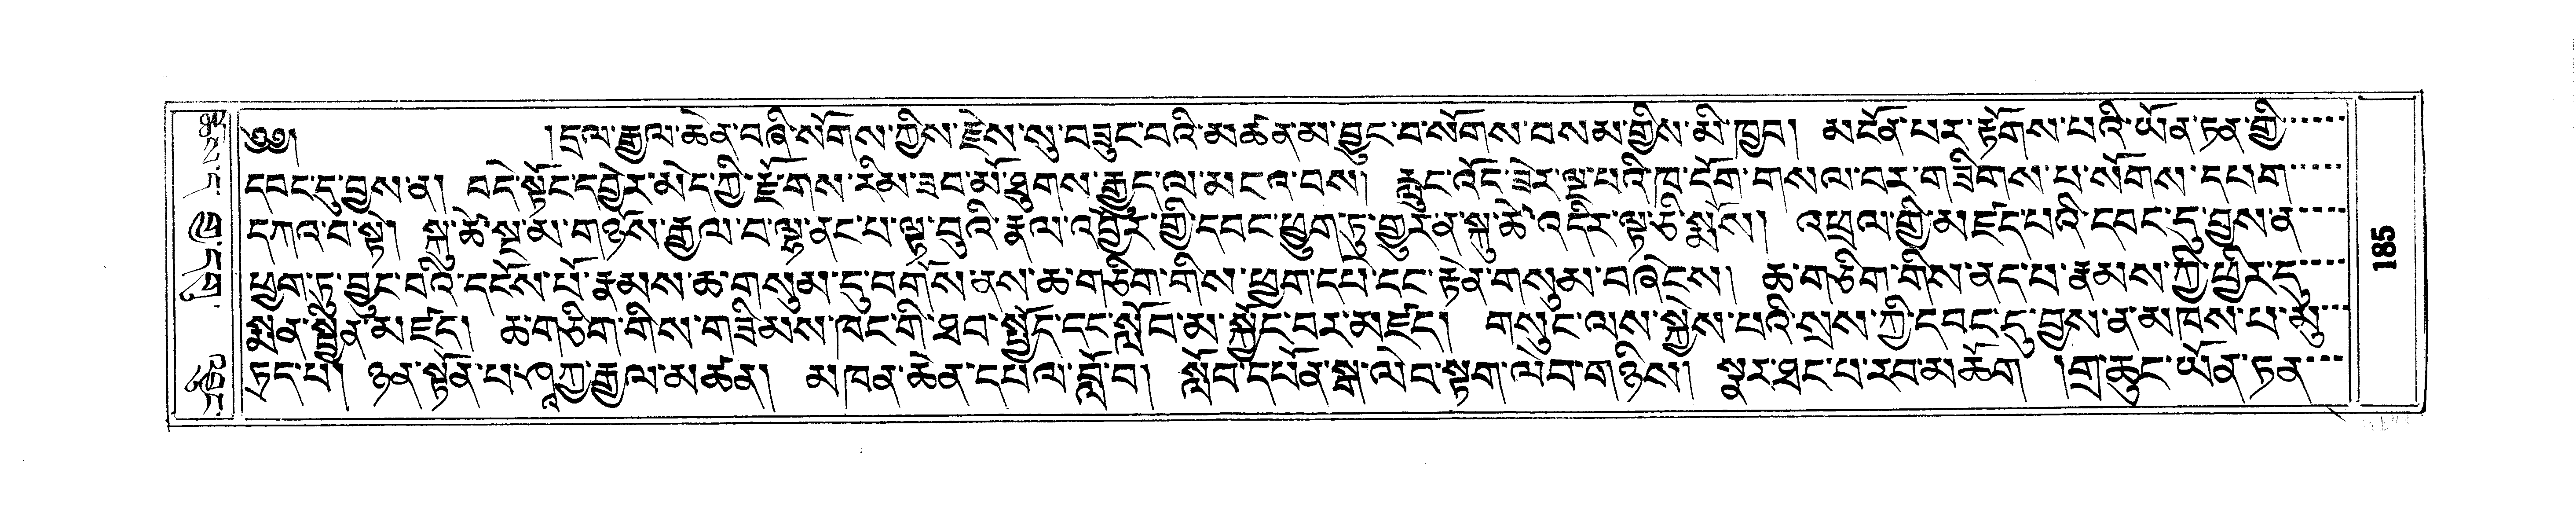༄༅། །དྲལ་རྒྱལ་ཆེན་བཞི་སོགས་ཀྱིས་རྗེས་སུ་བཟུང་པའི་མཚན་མ་བྱུང་བ་སོགས་བསམ་གྱིས་མི་ཁྱབ། མངོན་པར་རྟོགས་པའི་ཡོན་ཏན་གྱི་
དབང་དུ་བྱས་ན། བདེ་སྟོང་དབྱེར་མེད་ཀྱི་རྫོགས་རིམ་ཟབ་མོ་ཐུགས་རྒྱུད་ལ་མངའ་བས། རླུང་འོད་ཟེར་ལྔ་བའི་ཁ་དོག་གསལ་བར་གཟིགས་པ་སོགས་དཔག་
དཀའ་བ་སྟེ། སྐུ་ཚེ་སྔ་མ་གཉིས་རྒྱལ་བ་ལྷ་ནང་པ་ལྟ་བུའི་རྣལ་འབྱོར་གྱི་དབང་ཕྱུག་ཏུ་གྱུར་ན་སྐུ་ཚེ་འདིར་ལྟ་ཅི་སྨོས། འཕྲལ་གྱི་མཛད་པའི་དབང་དུ་བྱས་ན་
ཕྱག་ཏུ་བྱུང་བའི་དངོས་སོ་རྣམས་ཆ་གསུམ་དུ་བགོས་ནས་ཆ་གཅིག་གིས་ཕྱག་དཔེ་དང་རྟེན་གསུམ་བཞེངས། ཆ་གཅིག་གིས་ནད་པ་རྣམས་ཀྱི་ཕྱིར་དུ་
སྨན་སྦྱིན་མཛད། ཆ་གཅིག་གིས་གཟིམས་ཁང་གི་ཐབ་སྤྱོད་དང་སློབ་མ་སྐྱོང་བར་མཛད། གསུང་ལས་སྐྱེས་པའི་སྲས་ཀྱི་དབང་དུ་བྱས་ན་མཁས་པ་མུ་
ཏྲད་པ། ཉན་སྟོན་པ་ཤཱཀྱ་རྒྱལ་མཚན། མཁན་ཆེན་དཔལ་བློ་བ། སློབ་དཔོན་སྒ་ལེབ་སྟག་ལེབ་གཉིས། སྣར་ཐང་པ་རབ་མཆོག །གྲ་ཆུང་ཡོན་ཏན་